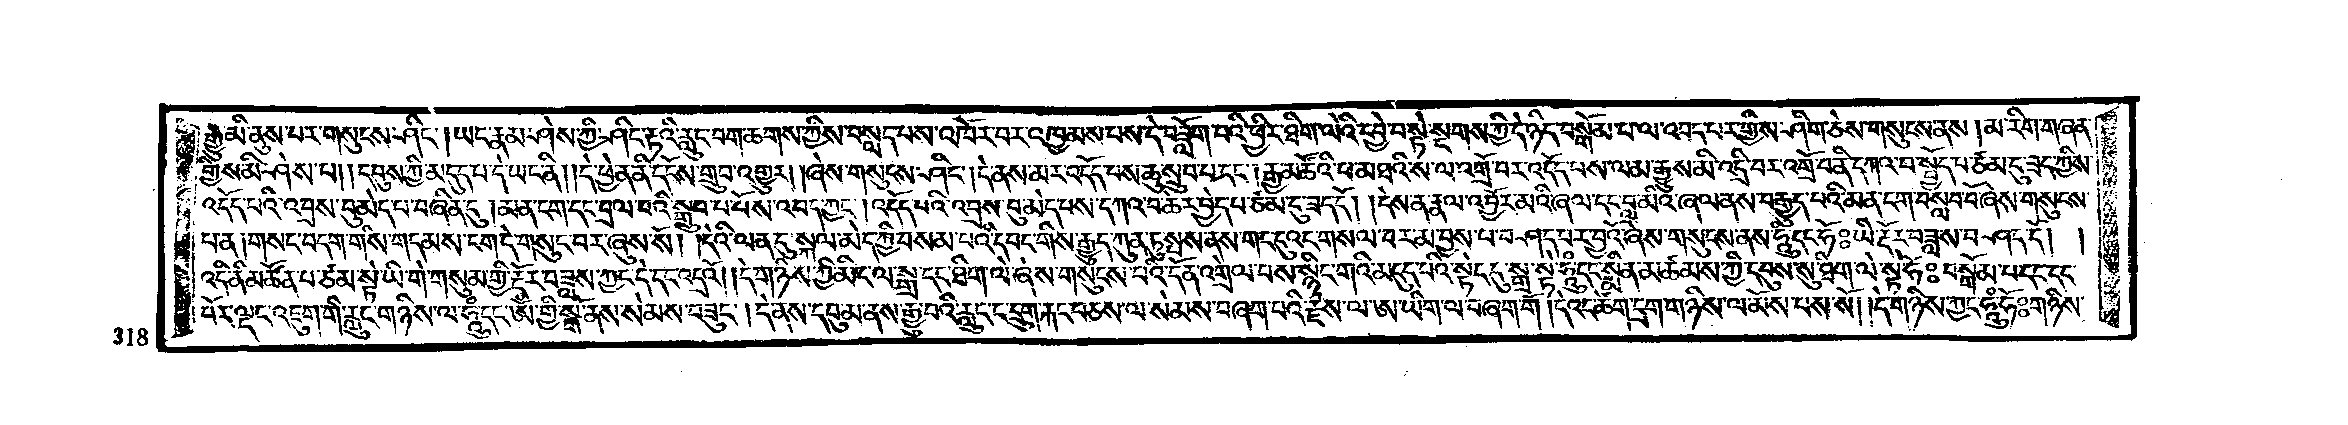རྒྱུ་མི་ནུས་པར་གསུངས་ཤིང་། ཡང་རྣམ་ཤེས་ཀྱི་ཤིང་རྟའི་རླུང་བག་ཆགས་ཀྱིས་བསླད་པས་འཁོར་བར་འཁྱམས་པས་དེ་བཟློག་པའི་ཕྱིར་ཐིག་ལེའི་དབྱེ་བ་སྟེ་སྔགས་ཀྱི་དེ་ཉིད་བསྒོམ་པ་ལ་འབད་པར་གྱིས་ཤིག་ཅེས་གསུངས་ནས། མ་རིག་གཞན་
གྱིས་མི་ཤེས་པ། །དབུས་ཀྱི་མདུད་པ་དེ་ཡང་ནི། །དེ་ཕྱེ་ན་ནི་དངོས་གྲུབ་འགྱུར། །ཞེས་གསུངས་ཤིང་། དེ་ནས་མར་འདོད་པས་ཆུ་སྲུབ་པ་དང་། རྒྱ་མཚོའི་ཕ་མཐའི་ས་ལ་འགྲོ་བར་འདོད་པས་ལམ་རྒྱུས་མི་འདྲི་བར་འགྲོ་བ་ནི་དཀའ་བ་སྤྱོད་པ་ཙམ་དུ་ཟད་ཀྱིས་
འདོད་པའི་འབྲས་བུ་མེད་པ་བཞིན་དུ། མན་ངག་དང་བྲལ་བའི་སྒྲུབ་པ་པོས་འབད་ཀྱང་། འདོད་པའི་འབྲས་བུ་མེད་པས་དཀའ་བ་ཆེར་བྱེད་པ་ཙམ་དུ་ཟད་དོ། །དེས་ན་རྣལ་འབྱོར་མའི་ཞལ་དང་བླ་མའི་ཞལ་ནས་བརྒྱུད་པའི་མན་ངག་བསླབ་བོ་ཞེས་གསུངས་
པ་ན། གསང་བདག་གིས་གདམས་ངག་དེ་གསུང་བར་ཞུས་སོ། །དེའི་ལན་དུ་སྐལ་མེད་ཀྱི་བསམ་པའི་དབང་གིས་རྒྱུད་ཀུན་ཏུ་སྤས་ནས་གང་དུའང་གསལ་བར་མ་བྱས་པ་བཤད་པར་བྱའོ་ཞེས་གསུངས་ནས་ཧཱུཾ་དང་ཧོཿ ཡི་རྡོར་བཟླས་བཤད་དེ། །
འདི་ནི་མཚོན་པ་ཙམ་སྟེ་ཡི་གེ་གསུམ་གྱི་རྡོར་བཟླས་ཀྱང་དེ་དང་འདྲའོ། །དེ་གཉིས་ཀྱི་མིང་ལ་སྒྲ་དང་ཐིག་ལེ་ཞེས་གསུངས་པའི་དོན་འགྲེལ་པས་སྙིང་གའི་མདུད་པའི་སྟེང་དུ་སྒྲ་སྟེ་ཧཱུཾ་དང་སྨིན་མཚམས་ཀྱི་དབུས་སུ་ཐིག་ལེ་སྟེ་ཧོཿ བསྒོམ་པ་དང་དང་
པོར་ལྡང་འཇུག་གི་རླུང་གཉིས་ལ་ཧཱུཾ་དང་ཨོཾ་གྱི་སྒོ་ནས་སེམས་བཟུང་། དེ་ནས་དབུ་མ་ནས་རྒྱུ་བའི་རླུང་ང་དྲུག་རྐང་བཅས་ལ་སེམས་བཞག་པའི་རྗེས་ལ་ཨ་ཡིག་ལ་བཞག་གོ །དེའང་ཚེག་དྲག་གཉིས་ལ་མོས་པས་སོ། །དེ་གཉིས་ཀྱང་ཧཱུཾ་ཧོཿ གཉིས་